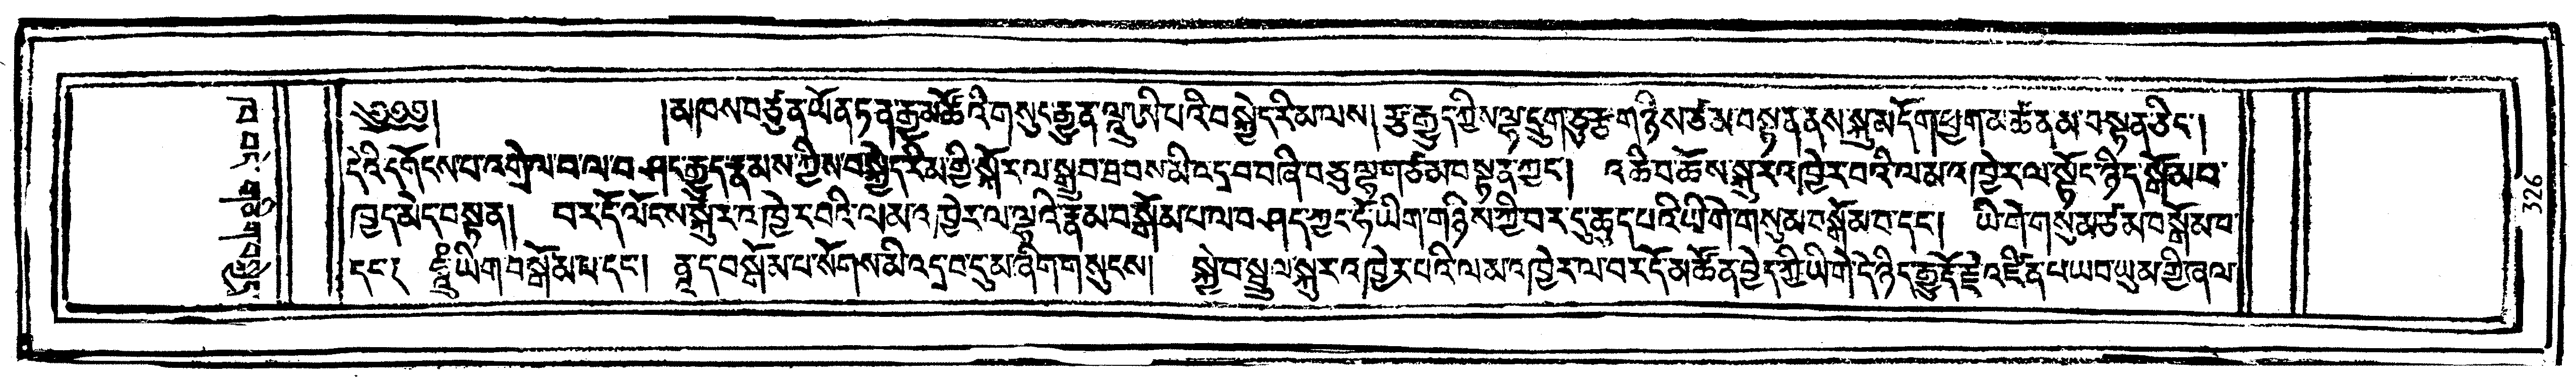༄༅༅། །མཁས་བཙུན་ཡོན་ཏན་རྒྱ་མཚོའི་གསུང་རྒྱུན་ལཱུ་ཨི་པའི་བསྐྱེད་རིམ་ལས། རྩ་རྒྱུད་ཀྱིས་ལྷ་དྲུག་ཅུ་རྩ་གཉིས་ཙམ་བསྟན་ནས་སྐུ་མདོག་ཕྱག་མཚན་མ་བསྟན་ཅིང་།
དེའི་དགོངས་པ་འགྲེལ་བ་ལ་བཤད་རྒྱུད་རྣམས་ཀྱིས་བསྐྱེད་རིམ་གྱི་སྐོར་ལ་སྒྲུབ་ཐབས་མི་འདྲ་བ་བཞི་བཅུ་ལྷག་ཙམ་བསྟན་ཀྱང་། འཆི་བ་ཆོས་སྐུར་འཁྱེར་བའི་ལམ་འཁྱེར་ལ་སྟོང་ཉིད་སྒོམ་བ་
ཁྱད་མེད་བསྟན། བར་དོ་ལོངས་སྐུར་འཁྱེར་བའི་ལམ་འཁྱེར་ལ་ལྷའི་རྣམ་བསྒོམ་པ་ལ་བཤད་ཀྱང་ཧོ་ཡིག་གཉིས་ཀྱི་བར་དུ་ཆུད་པའི་ཡི་གེ་གསུམ་བསྒོམ་བ་དང་། ཡི་གེ་གསུམ་ཙམ་བསྒོམ་པ་
དང༑ ཧཱུཾ་ཡིག་བསྒོམ་པ་དང་། ནཱ་ད་བསྒོམ་པ་སོགས་མི་འདྲ་བ་དུ་མ་ཞིག་གསུངས། སྐྱེ་བ་སྤྲུལ་སྐུར་འཁྱེར་པའི་ལམ་འཁྱེར་ལ་བར་དོ་མཚོན་བྱེད་ཀྱི་ཡི་གེ་དེ་ཉིད་རྒྱུ་རྡོ་རྗེ་འཛིན་པ་ཡབ་ཡུམ་གྱི་ཞལ་